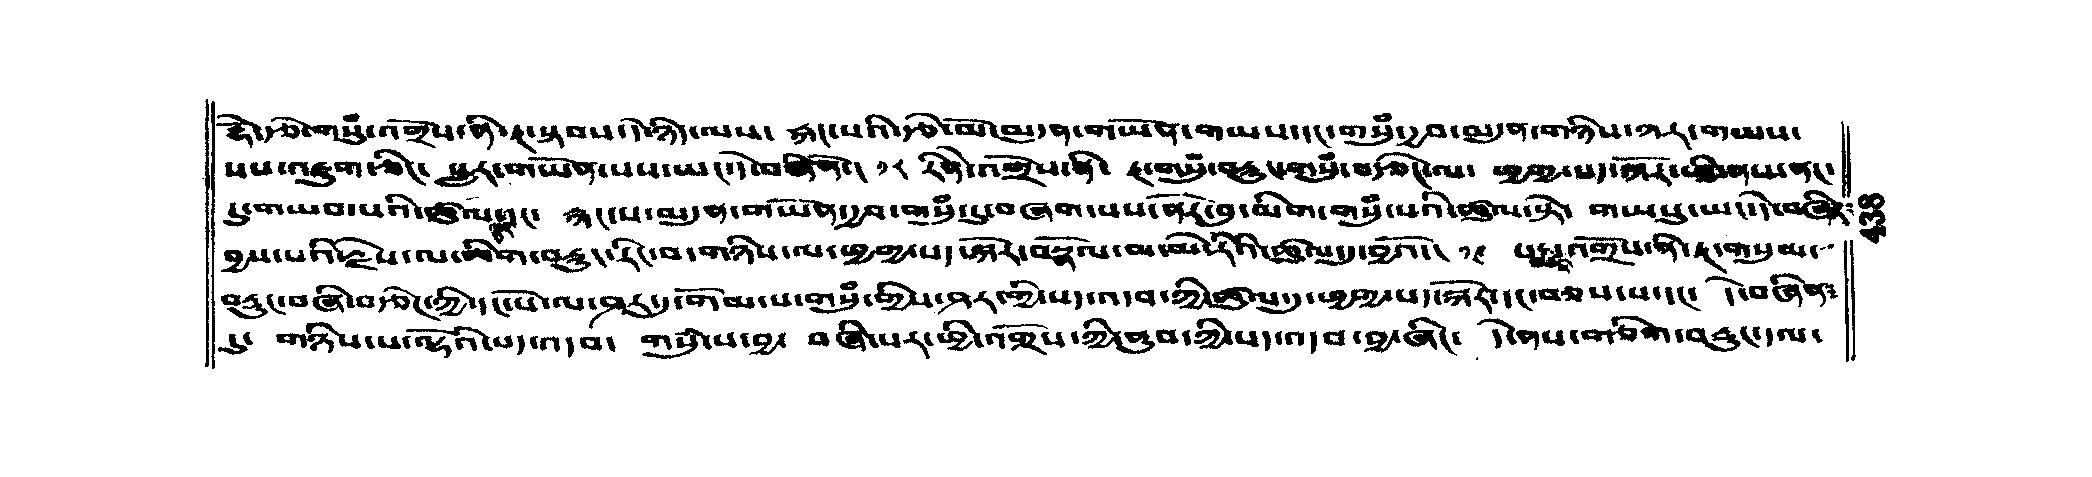རྡོ་རྗེ་རྩེ་གསུམ།་འགྲོས་ནི་རྔ་སྟབས་དེ་ཉིད་ལས། རྐང་པའི་རྩེ་མོ་མདུན་རྒྱབ་གཡོན་གཡས་དང་གསུམ་རྒྱབ་མདུན་གཉིས་ཀར་གཡས་
པས་འཇུག་ཅིང་། སླར་གཡོན་པས་ཡང་དེ་བཞིན་ནོ། ༡༨ རིན་ཆེན་འགྲོས་ནི། རྔ་གསུམ་བརྡུང་གསུམ་བརྩེགས་ལ། ཕྱག་རྒྱ་པད་ཀོར་ཕྱི་ནས་ནང་
དུ་གཡབ་པའི་ཚུལ་ལྟར་དང་། རྐང་པ་མདུན་གཡོན་རྒྱབ་གསུམ་དུ་བཞག་པས་ནོར་བུ་མིག་གསུམ་པའི་ཚུལ་སྟེ། གཡས་སུ་ཡང་དེ་བཞིན་
བྱས་པའི་རྗེས་ལ་ཆིག་བརྡུང་རིང་བ་གཉིས་ལ་ཕྱག་རྒྱ་པད་ཀོར་བསྣོལ་མ་མེ་རིའི་ཚུལ་དུ་བྱའོ། ༡༩ པདྨའི་འགྲོས་ནི་རྔ་གསུམ་
བརྡུང་བཞི་བརྩེགས་ཀྱི་དང་པོ་ལ་ཤར་དུ་གོམ་པ་གསུམ་གྱི་ཤར་གྱི་པད་འདབ་ཀྱི་ཚུལ་དུ་ཕྱག་རྒྱ་པད་ཀོར་དང་བཅས་པ་དང་། དེ་བཞིན་
དུ། གཉིས་ལ་ལྷོའི་པད་འདབ། གསུམ་པ་བྱ། བཞི་པར་ཕྱི་འགྲོས་ཀྱི་ནུབ་ཀྱི་ནུབ་ཀྱི་པད་འདབ་བྱ་ཞིང་། དེ་ནས་གཅིག་བརྡུང་དལ་